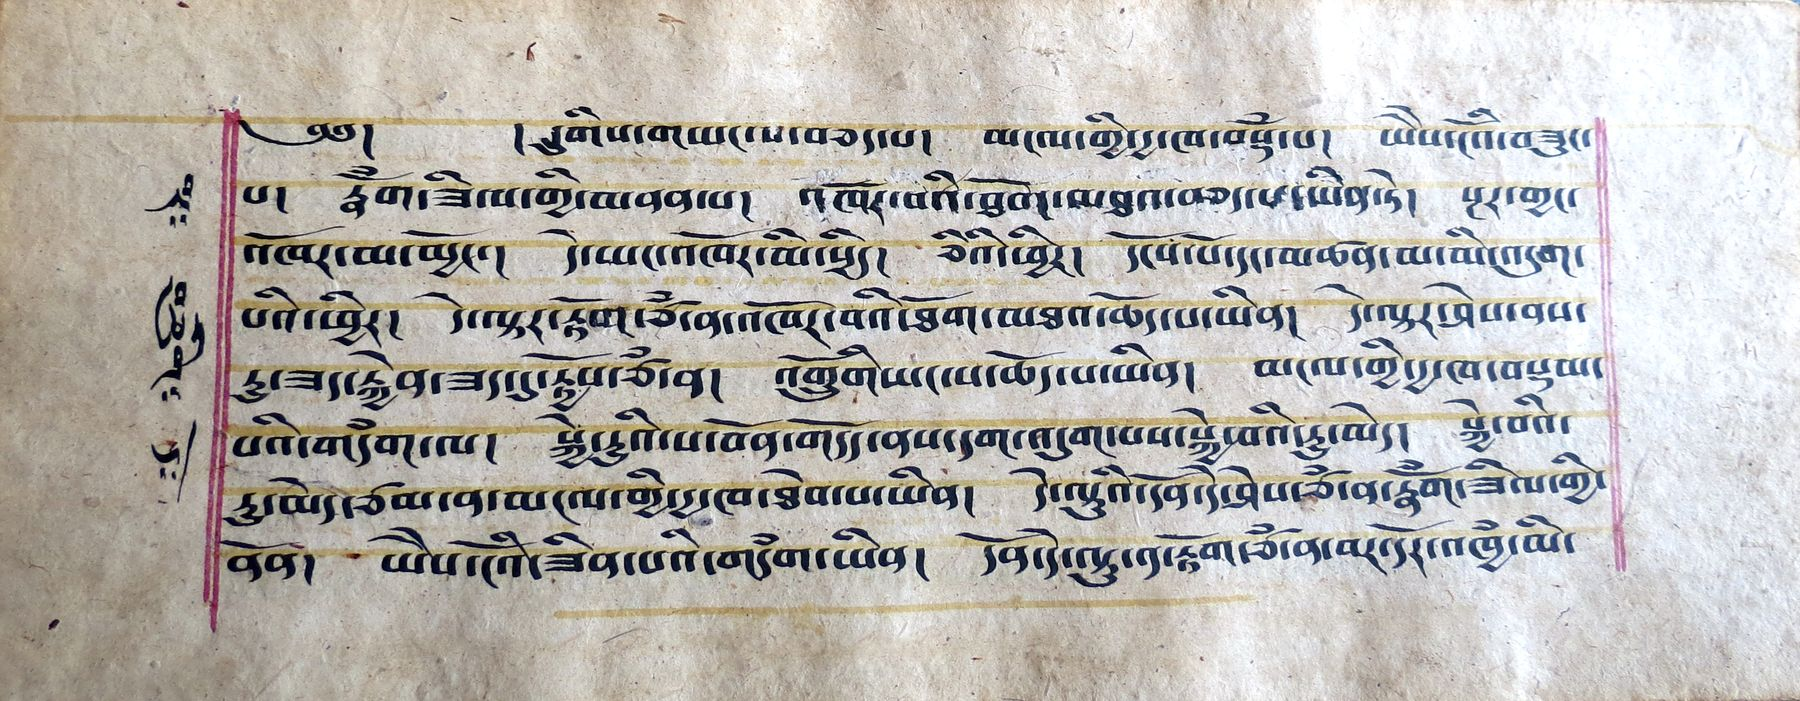དྲུག་གི་གཡང་ས་བཅད་པ། མངལ་གྱི་རྒྱ་ཁ་བསྡམས་པ། ཡེ་ཤེས་ངོ་ཡིས་བཟུང་
བ། རྣམ་རྟོག་ཟིལ་གྱིས་མནན་པ། འཁོར་བའི་ཐོག་མཐའ་བཅད་པ་ཡིན་ཏེ། སྔར་ཡང་
འཁོར་མ་མྱོང་། ད་ཡང་འཁོར་མི་སྲིད། ཅིའི་ཕྱིར། དངོས་པོ་དང་མཚན་མ་མི་འདུག་
པའི་ཕྱིར། དེ་ལྟར་རྟོགས་ཙམ་ན་འཁོར་བའི་ཐོག་མཐའ་ཆོད་པ་ཡིན། དེ་ལྟར་ཤེས་ནས་
རྒྱུ་ཟད་རྐྱེན་ཟད་དུ་རྟོགས་ཙམ་ན། འགྲོ་དྲུག་གི་གཡང་ས་ཆོད་པ་ཡིན། མངལ་གྱི་རྒྱ་ཁ་གདམས་
པའི་གདམས་ངག་ལ། སྐྱེ་རྒྱུའི་ས་བོན་གདོད་ནས་དག་འདུག་པས་སྐྱེ་བའི་རྒྱུ་མེད། སྐྱེ་བའི་
རྒྱུ་མེད་ཙམ་ན་མངལ་གྱི་རྒྱ་ཁ་ཐེབས་པ་ཡིན། དེ་ལྟ་བུའི་དོན་དེ་ཤེས་ཙམ་ན་རྣམ་རྟོག་ཟིལ་གྱིས་
ནོན། ཡེ་ཤེས་ངོ་ཡིས་ཟིན་པའི་གདམས་པ་ཡིན། དོན་དེ་ལྟ་བུ་ཅིག་རྟོགས་ཙམ་ན་བར་དོར་འཁྱམས་མི་